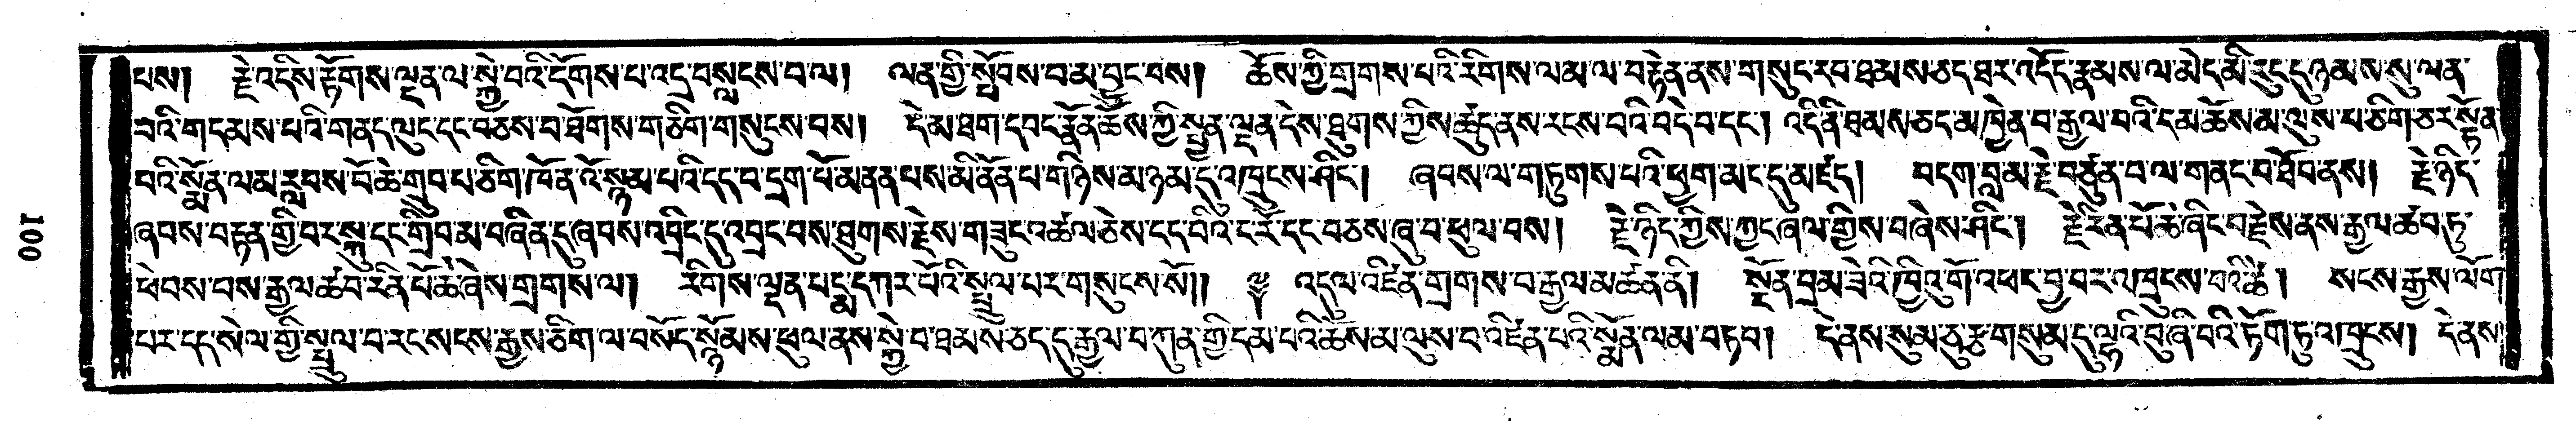པས། རྗེ་འདིས་རྟོགས་ལྡན་ལ་སྐྱེ་བའི་དོགས་པ་འདྲ་བསླངས་བ་ལ། ལན་གྱི་སྤོབས་བ་མ་བྱུང་བས། ཆོས་ཀྱི་གྲགས་པའི་རིགས་ལམ་ལ་བརྟེན་ནས་གསུང་རབ་ཐམས་ཅད་ཐར་འདོད་རྣམས་ལ་མེད་མི་རུང་དུ་ཉམས་སུ་ལན་
བའི་གདམས་པའི་གནད་ལུང་དང་བཅས་བ་ཐོགས་གཅིག་གསུངས་བས། དེ་མ་ཐག་དབང་རྣོན་ཆོས་ཀྱི་སྤྱན་ལྡན་དེས་ཐུགས་ཀྱིས་ཚུད་ནས་རངས་པའི་བདེ་བ་དང་། འདི་ནི་ཐམས་ཅད་མཁྱེན་བ་རྒྱལ་བའི་དམ་ཆོས་མ་ལུས་པ་ཅིག་ཅར་སྟོན་
བའི་སྨོན་ལམ་རླབས་བོ་ཆེ་གྲུབ་པ་ཅིག་ཁོ་ནའོ་སྙམ་པའི་དད་བ་དྲག་པོ་མནན་པས་མི་ནོན་པ་གཉིས་མཉམ་དུ་འཁྲུངས་ཤིང་། ཞབས་ལ་གཏུགས་པའི་ཕྱག་མང་དུ་མཛད། བདག་བླ་མ་རྗེ་བཙུན་བ་ལ་གནང་བ་ཐོབ་ནས། རྗེ་ཉིད་
ཞབས་བརྟན་གྱི་བར་སྐུ་དང་གྲིབ་མ་བཞིན་དུ་ཞབས་འབྲིང་དུ་འབྲང་བས་ཐུགས་རྗེས་གཟུང་འཚལ་ཅེས་དང་བའི་ང་རོ་དང་བཅས་ཞུ་བ་ཕུལ་བས། རྗེ་ཉིད་ཀྱིས་ཀྱང་ཞལ་གྱིས་བཞེས་ཤིང་། རྗེ་རིན་པོ་ཆེ་ཞིང་བརྗེས་ནས་རྒྱལ་ཚབ་ཏུ་
ཕེབས་བས་རྒྱལ་ཚབ་རིན་པོ་ཆེ་ཞེས་གྲགས་ལ། རིགས་ལྡན་པདམ་དཀར་པོའི་སྤྲུལ་པར་གསུངས་སོ།། ༈ འདུལ་འཛིན་གྲགས་བ་རྒྱལ་མཚན་ནི། སྔོན་བྲམ་ཟེའི་ཁྱིའུ་གོ་འཕང་བྱ་བར་འཁྲུངས་པའི་ཚེ། སངས་རྒྱས་ལོག་
པར་དད་སེལ་གྱི་སྤྲུལ་བ་རང་སངས་རྒྱས་ཅིག་ལ་བསོད་སྙོམས་ཕུལ་ནས་སྐྱེ་བ་ཐམས་ཅད་དུ་རྒྱལ་བ་ཀུན་གྱི་དམ་པའི་ཆོས་མ་ལུས་བ་འཛིན་པའི་སྨོན་ལམ་བཏབ། དེ་ནས་སུམ་ཅུ་རྩ་གསུམ་དུ་ལྷའི་བུ་ཞི་བའི་ཏོག་ཏུ་འཁྲུངས། དེ་ནས་